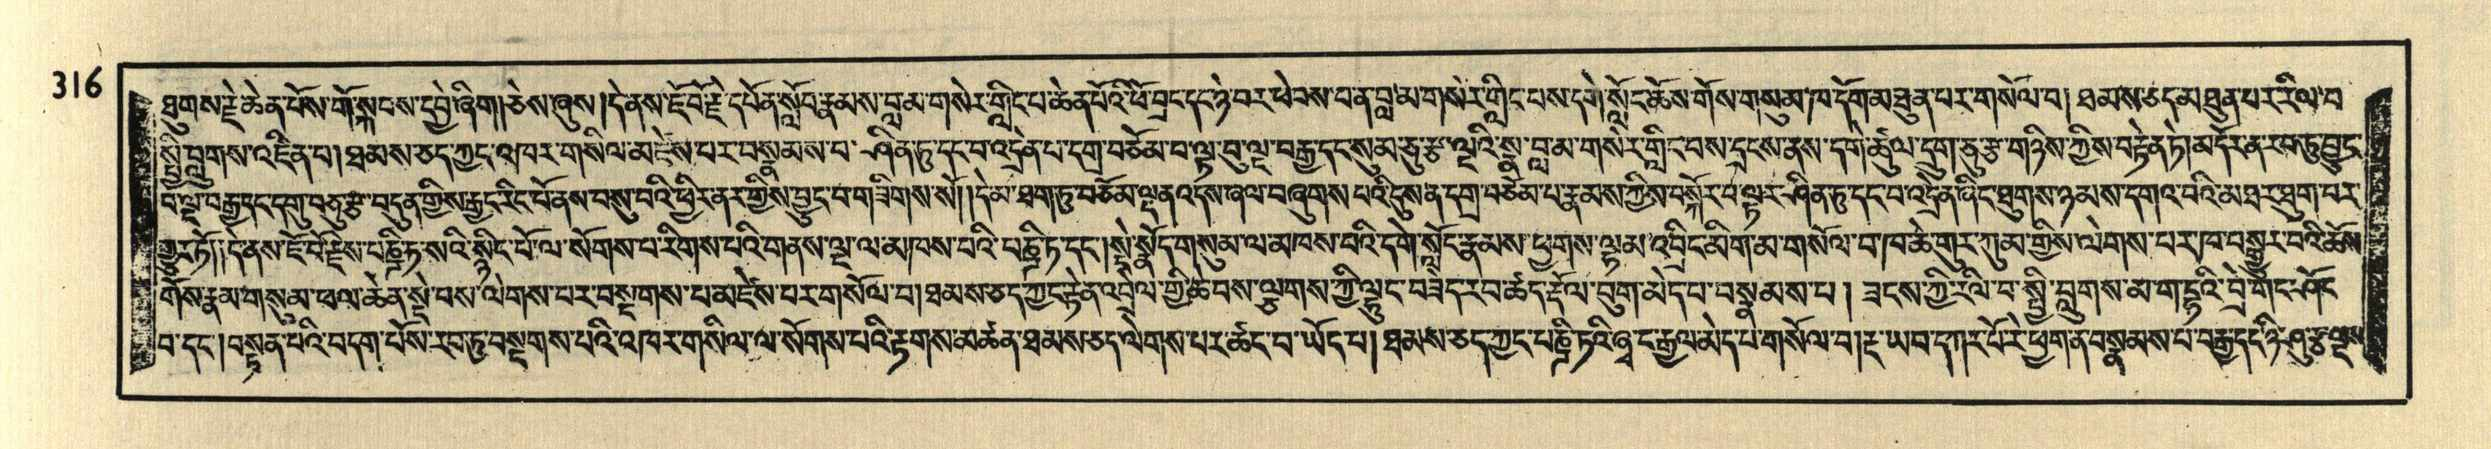ཐུགས་རྗེ་ཆེན་པོས་གོ་སྐབས་དབྱེ་ཞིག། ཅེས་ཞུས། དེ་ནས་ཇོ་བོ་རྗེ་དཔོན་སློབ་རྣམས་བླ་མ་གསེར་གླིང་པ་ཆེན་པོའི་ཕོ་བྲང་དང་ཉེ་བར་ཕེབས་བ་ན་བླ་མ་གསེར་གླིང་པས་དགེ་སློང་ཆོས་གོས་གསུམ་ཁ་དོག་མཐུན་པར་གསོལ་བ། ཐམས་ཅད་མཐུན་པར་རིལ་བ་
སྤྱི་བླུགས་འཛིན་པ། ཐམས་ཅད་ཀྱང་འཁར་གསིལ་མཛེས་པར་བསྣམས་བ་ཤིན་ཏུ་དང་བ་འདྲེན་པ་དགྲ་བཅོམ་བ་ལྟ་བུ་ལྔ་བརྒྱ་དང་སུམ་ཅུ་རྩ་ལྔའི་སྣ་བླ་མ་གསེར་གླིང་བས་དྲངས་ནས་དགེ་ཚུལ་དྲུག་ཅུ་རྩ་གཉིས་ཀྱིས་བརྟེན་ཏེ། མདོར་ན་རབ་ཏུ་བྱུང་
བ་ལྔ་བརྒྱ་དང་དགུ་བཅུ་རྩ་བདུན་གྱིས་རྒྱང་རིང་པོ་ནས་བསུ་བའི་ཕྱིར་ནར་གྱིས་བྱུང་བ་གཟིགས་སོ། །དེ་མ་ཐག་ཏུ་བཅོམ་ལྡན་འདས་ཞལ་བཞུགས་པའི་དུས་ན་དགྲ་བཅོམ་པ་རྣམས་ཀྱིས་བསྐོར་བ་ལྟར་ཤིན་ཏུ་དང་བ་འདྲེན་ཞིང་ཐུགས་ཉམས་དགའ་བའི་མཐར་ཐུག་པར་
གྱུར་ཏོ། །དེ་ནས་ཇོ་བོ་རྗེས་པཎྜི་ཏ་སའི་སྙིང་པོ་ལ་སོགས་པ་རིགས་པའི་གནས་ལྔ་ལ་མཁས་པའི་པཎྜི་ཏ་དང་། སྡེ་སྣོད་གསུམ་ལ་མཁས་པའི་དགེ་སློང་རྣམས་ཕྱགས་ལྷམ་འབྲིང་མིག་མ་གསོལ་བ་ཁ་ཆེ་གུར་ཀུམ་གྱིས་ལེགས་པར་ཁ་བསྒྱུར་བའི་ཆོས་
གོས་རྣམ་གསུམ་ཕལ་ཆེན་སྡེ་བས་ལེགས་པར་བསྔགས་པ་མཛེས་པར་གསོལ་བ། ཐམས་ཅད་ཀྱང་རྟེན་འབྲེལ་གྱི་ཆེ་བས་ལྕགས་ཀྱི་ལྷུང་བཟེད་རབ་ཚད་རྡོལ་བུག་མེད་པ་བསྣམས་པ། ཟངས་ཀྱི་རིལ་བ་སྤྱི་བླུགས་མ་ག་དྷའི་བྲེ་གང་ཤོང་
བ་དང་། བསྟན་པའི་བདག་པོས་རབ་ཏུ་བསྔགས་པའི་འཁར་གསིལ་ལ་སོགས་པའི་རྟགས་མཚན་ཐམས་ཅད་ལེགས་པར་ཚང་བ་ཡོད་པ། ཐམས་ཅད་ཀྱང་པཎྜི་ཏའི་ཞྭ་ང་རྒྱལ་མེད་པ་གསོལ་བ། རྔ་ཡབ་དཀར་པོ་རེ་ཕྱག་ན་བསྣམས་པ་བརྒྱ་དང་ཉི་ཤུ་རྩ་ལྔས་